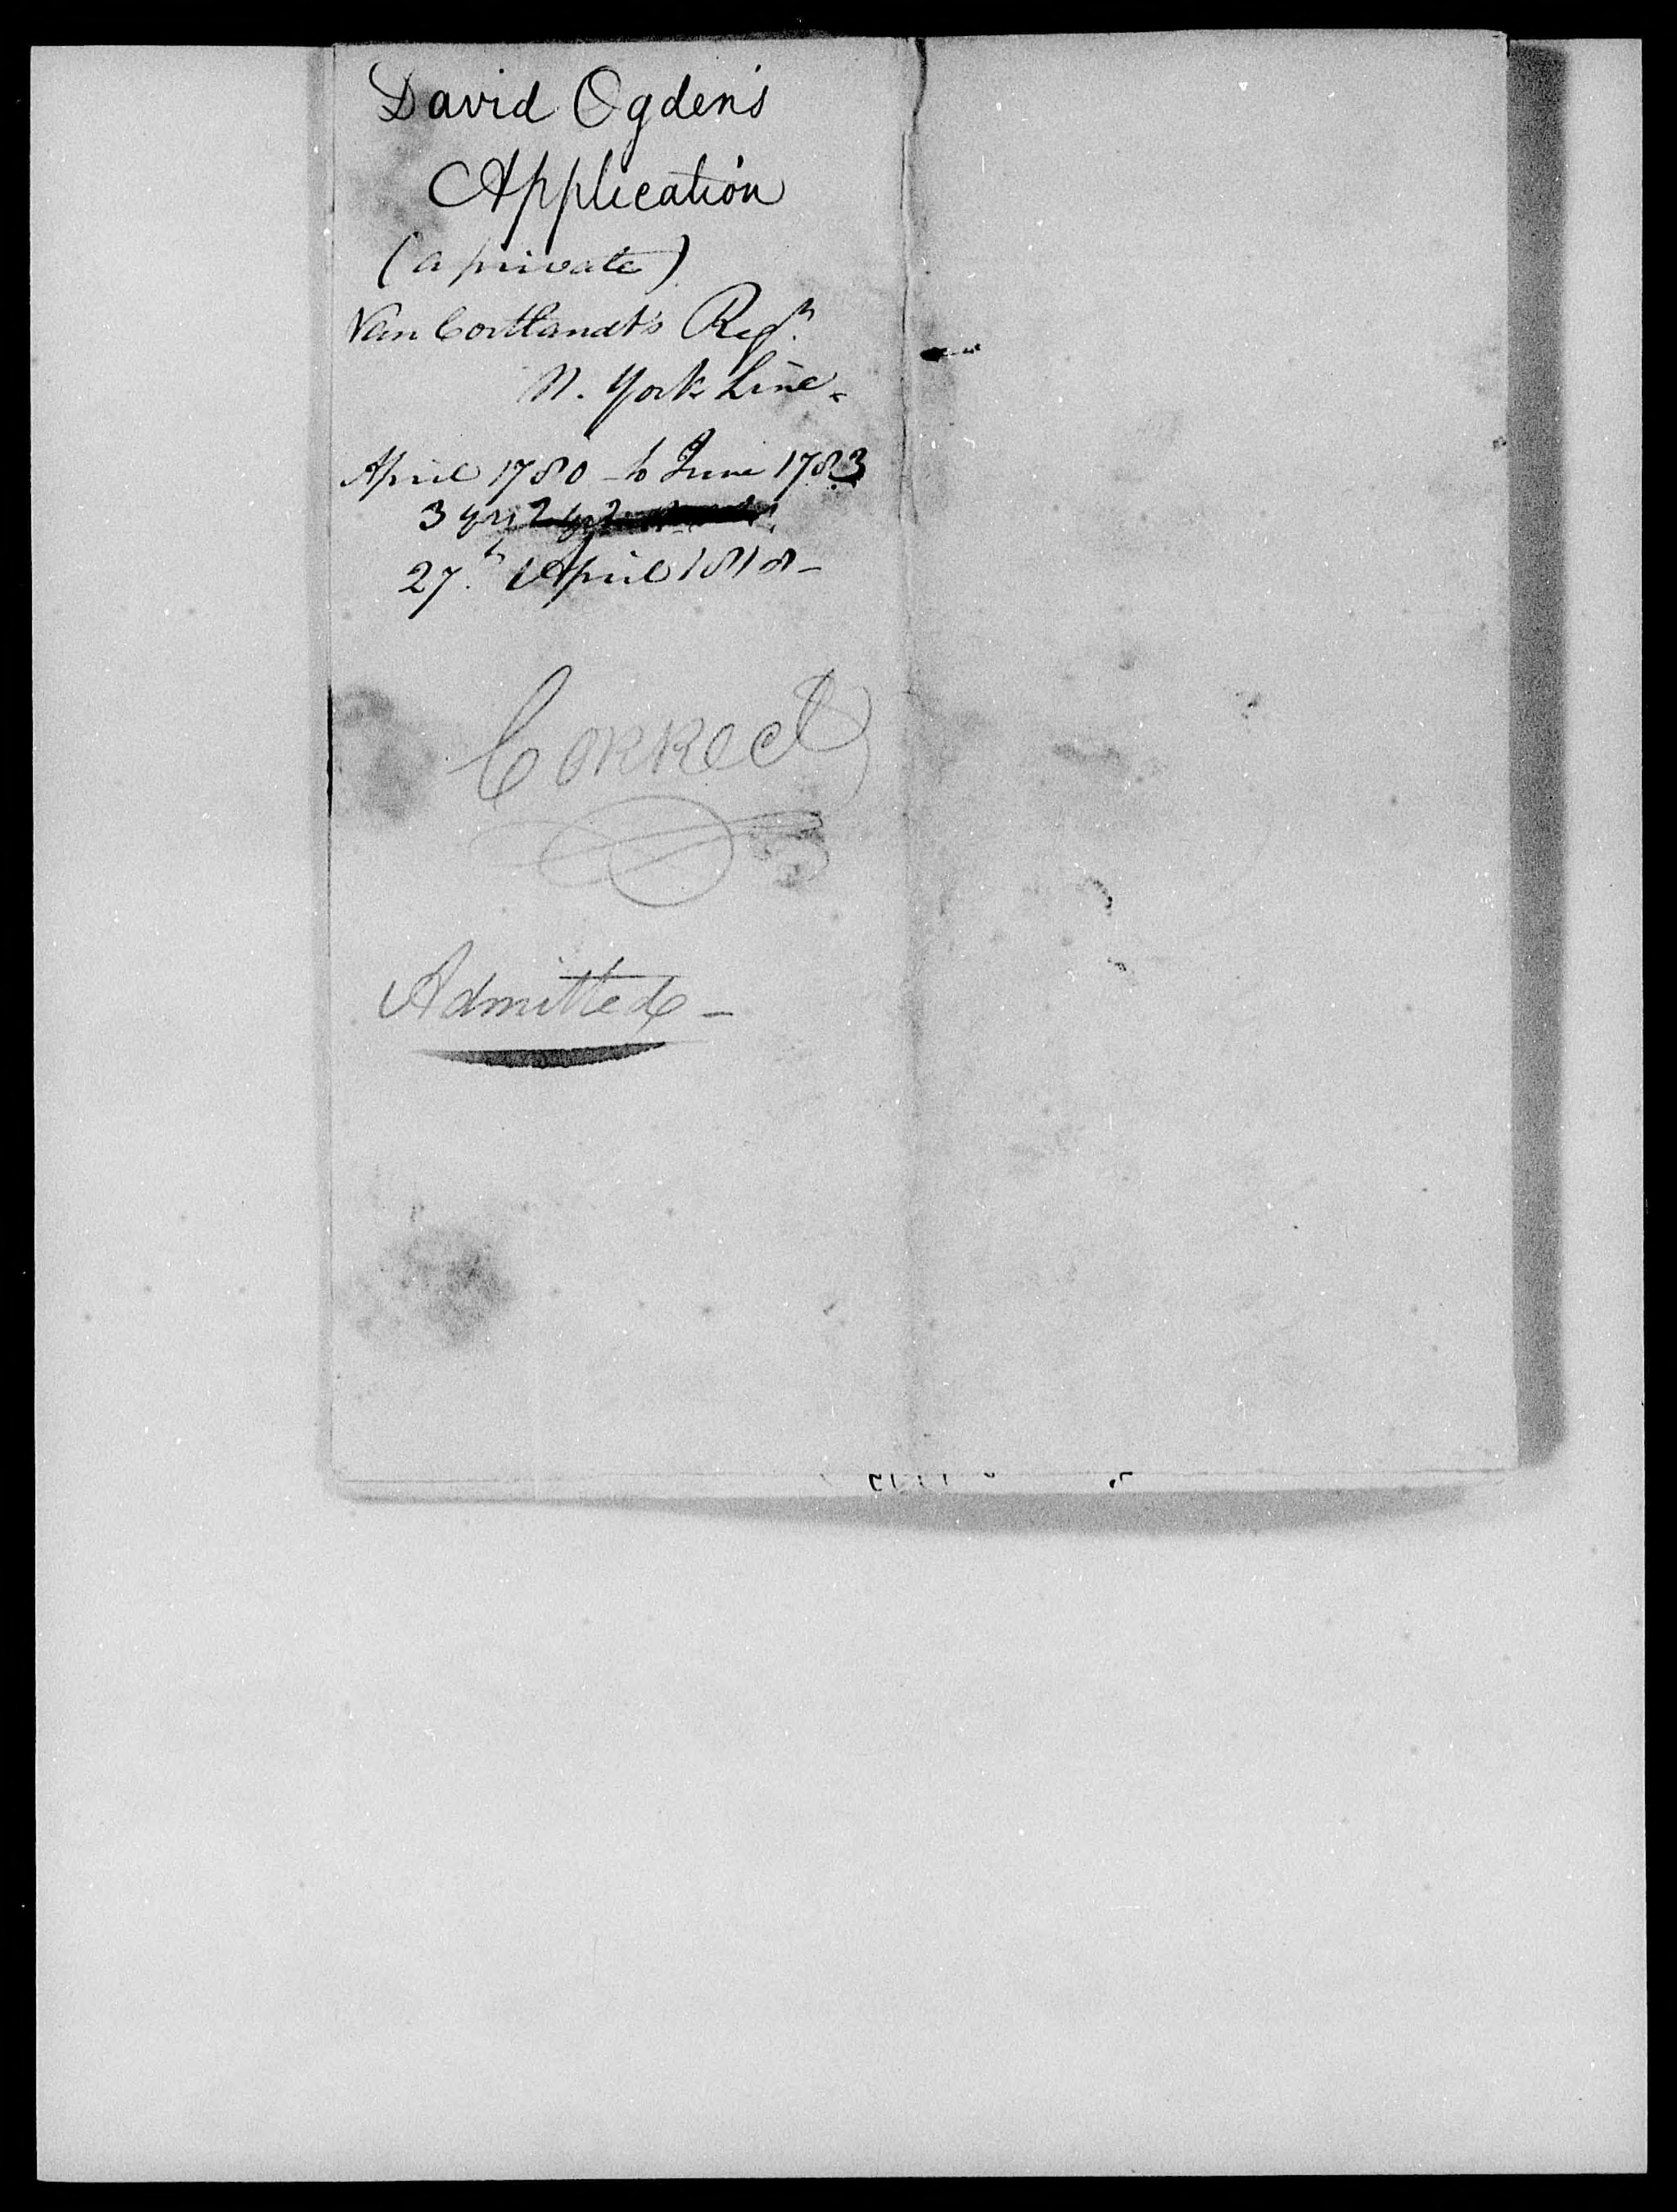David Ogden's
Application
(a private}
Van Cortlandt's Regt.
N. York Line.

April 1780 to June 1783
3 yrs 2 [crossed out]
27th April 1818

Correct
[flourish]
Admitted-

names: David Ogden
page: 17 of 40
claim: widow's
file: W. 24364, for David Ogden, New York